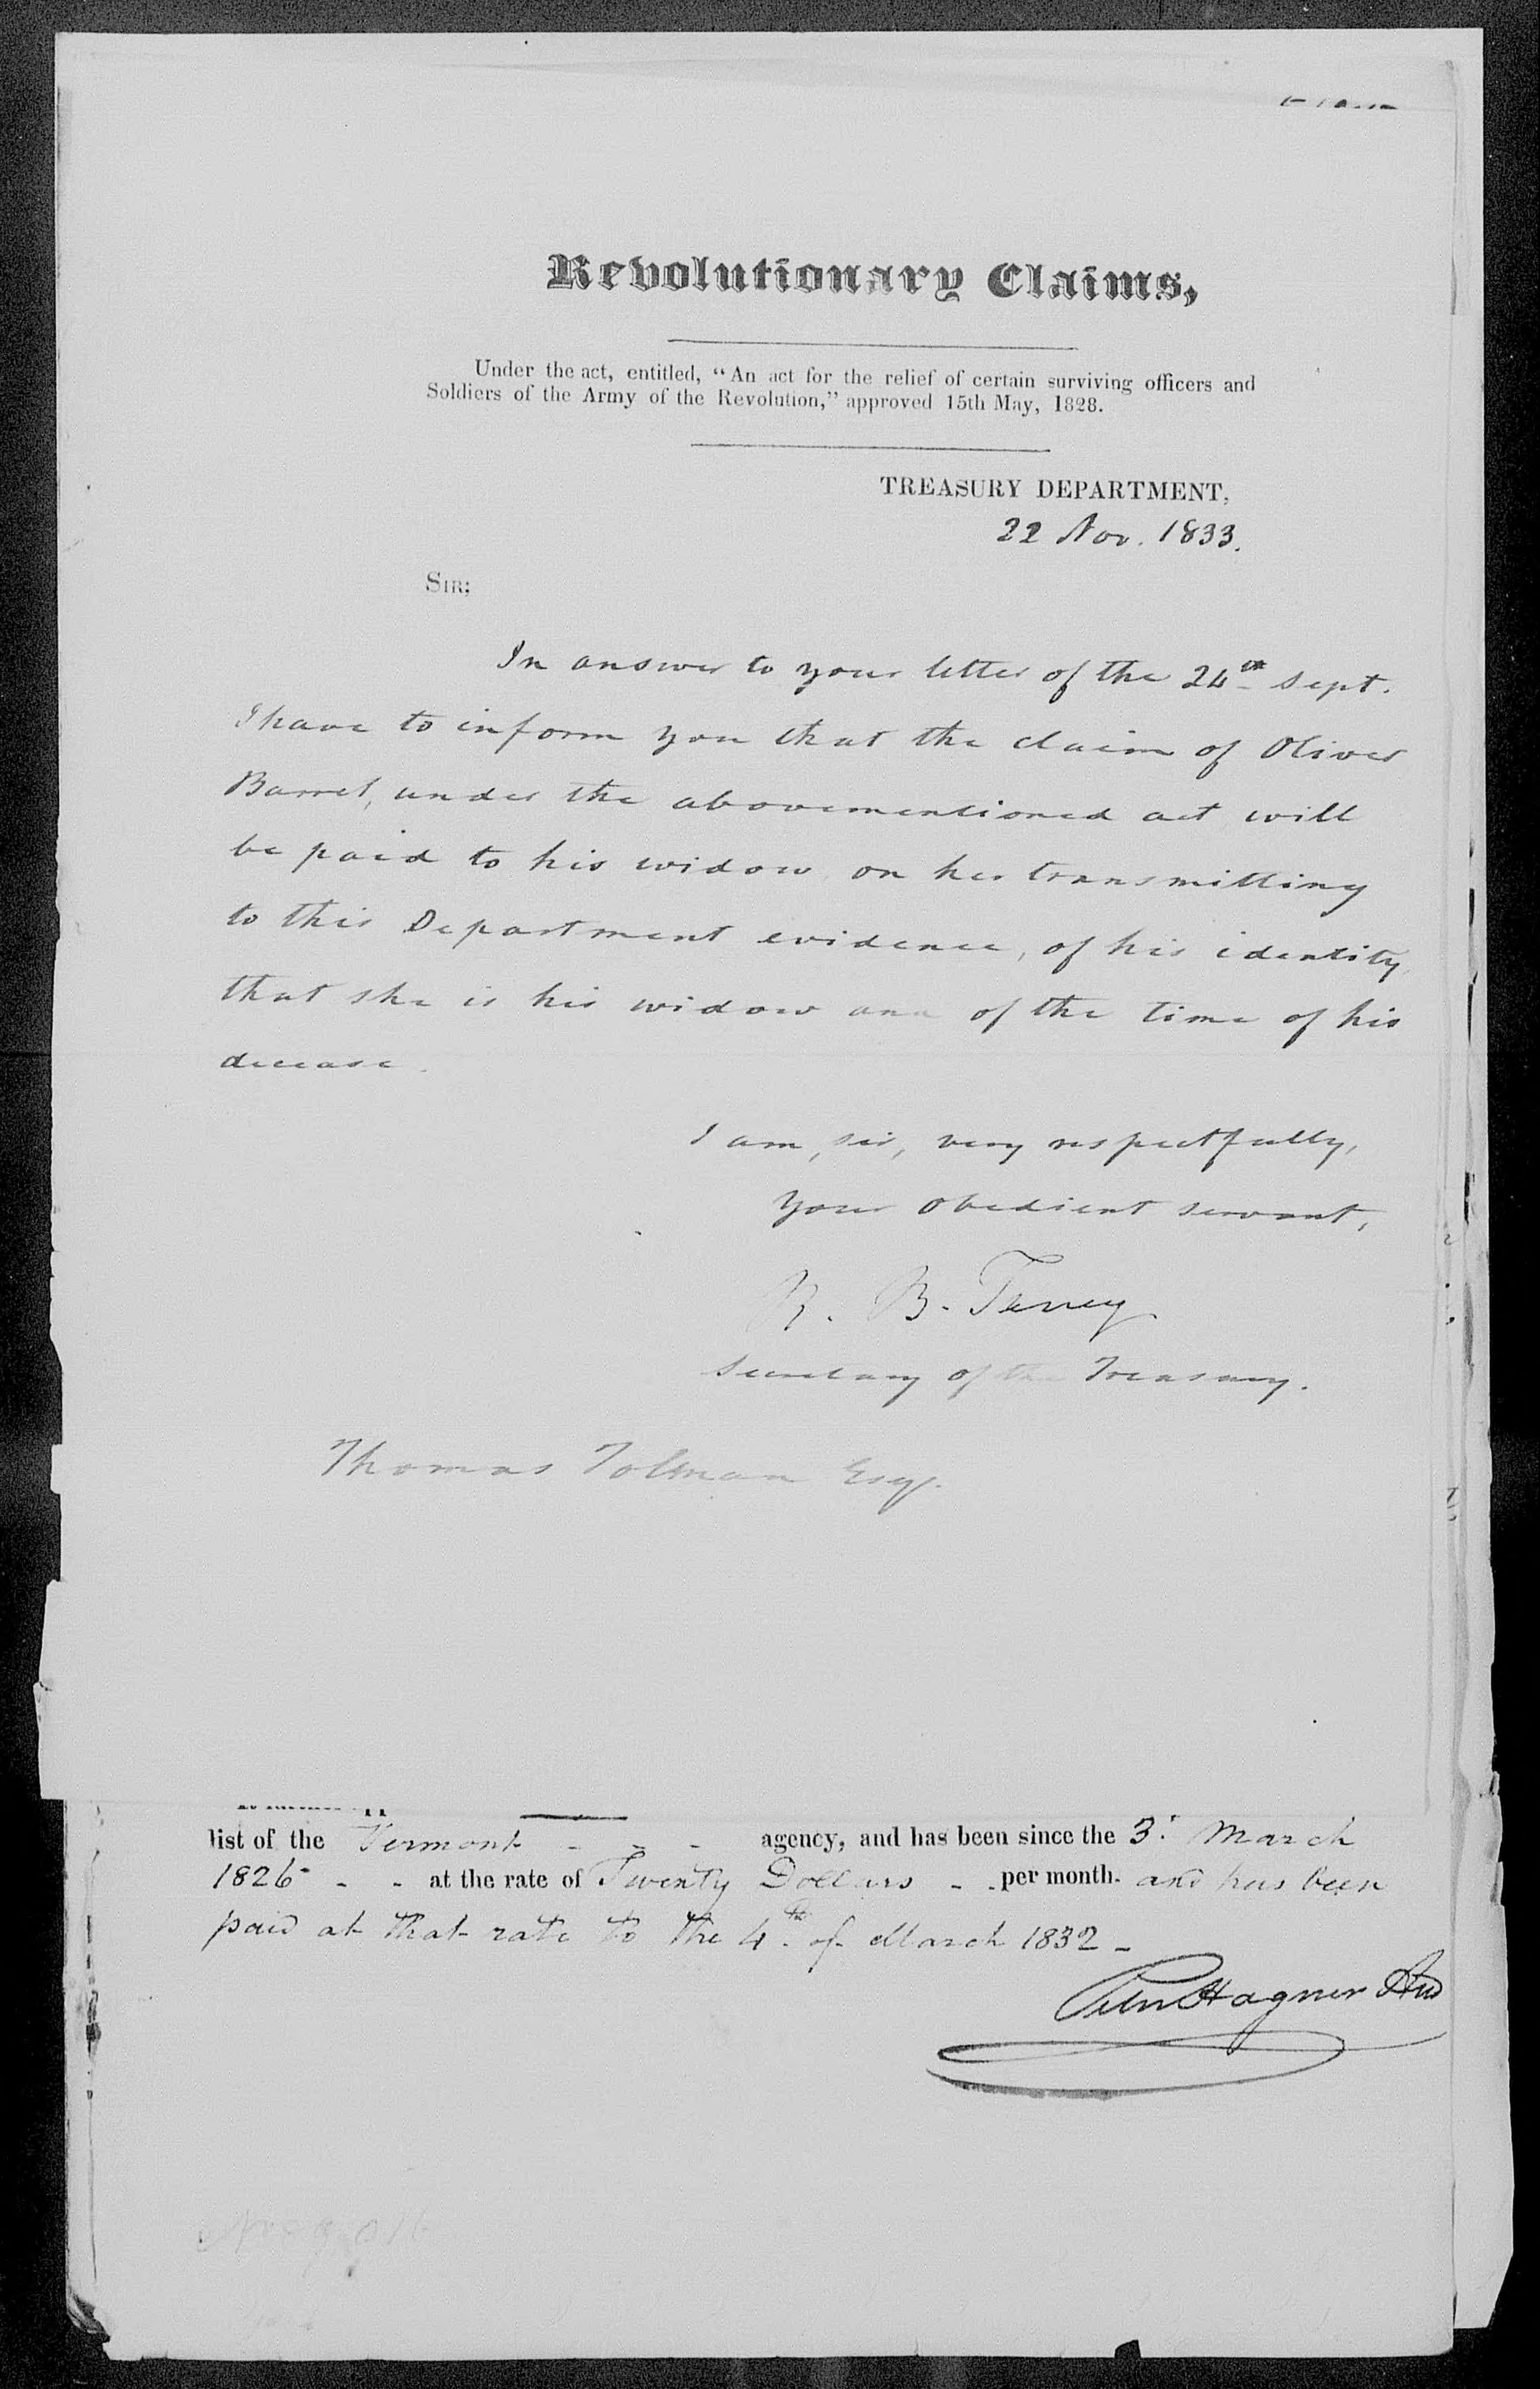Revolutionary Claims, 
Under the act, entitled, "An act for the relief of certain surviving officers and Soldiers of the Army of the Revolution, " approved 15th May, 1828.

Treasury Department, 
22 Nov. 1833

Sir, 
In answer to your letter of the 24th Sept. I have to inform you that the claim of Oliver Barret, under the abovementioned act will be paid to his widow on her transmitting to this Department evidence of his identity, that she is his widow and of the time of his decease. 
I am, sir, very respectfully
Your obedient servant,
R.B. Taney 
Secretary of Treasury 

Thomas Tolman, Esq. 

list of the Vermont agency, and has been since the 3d March 1826 at the rate of twenty dollars per month and has been paid at that rate to the 4th of March 1832. 
Peter Hagner Am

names: R B Taney, Oliver Barret, Thomas Tolman, Peter Hagner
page: 54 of 83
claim: widow's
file: W. 10,384, Oliver Barrett, Continental (Vt.) N.Y.